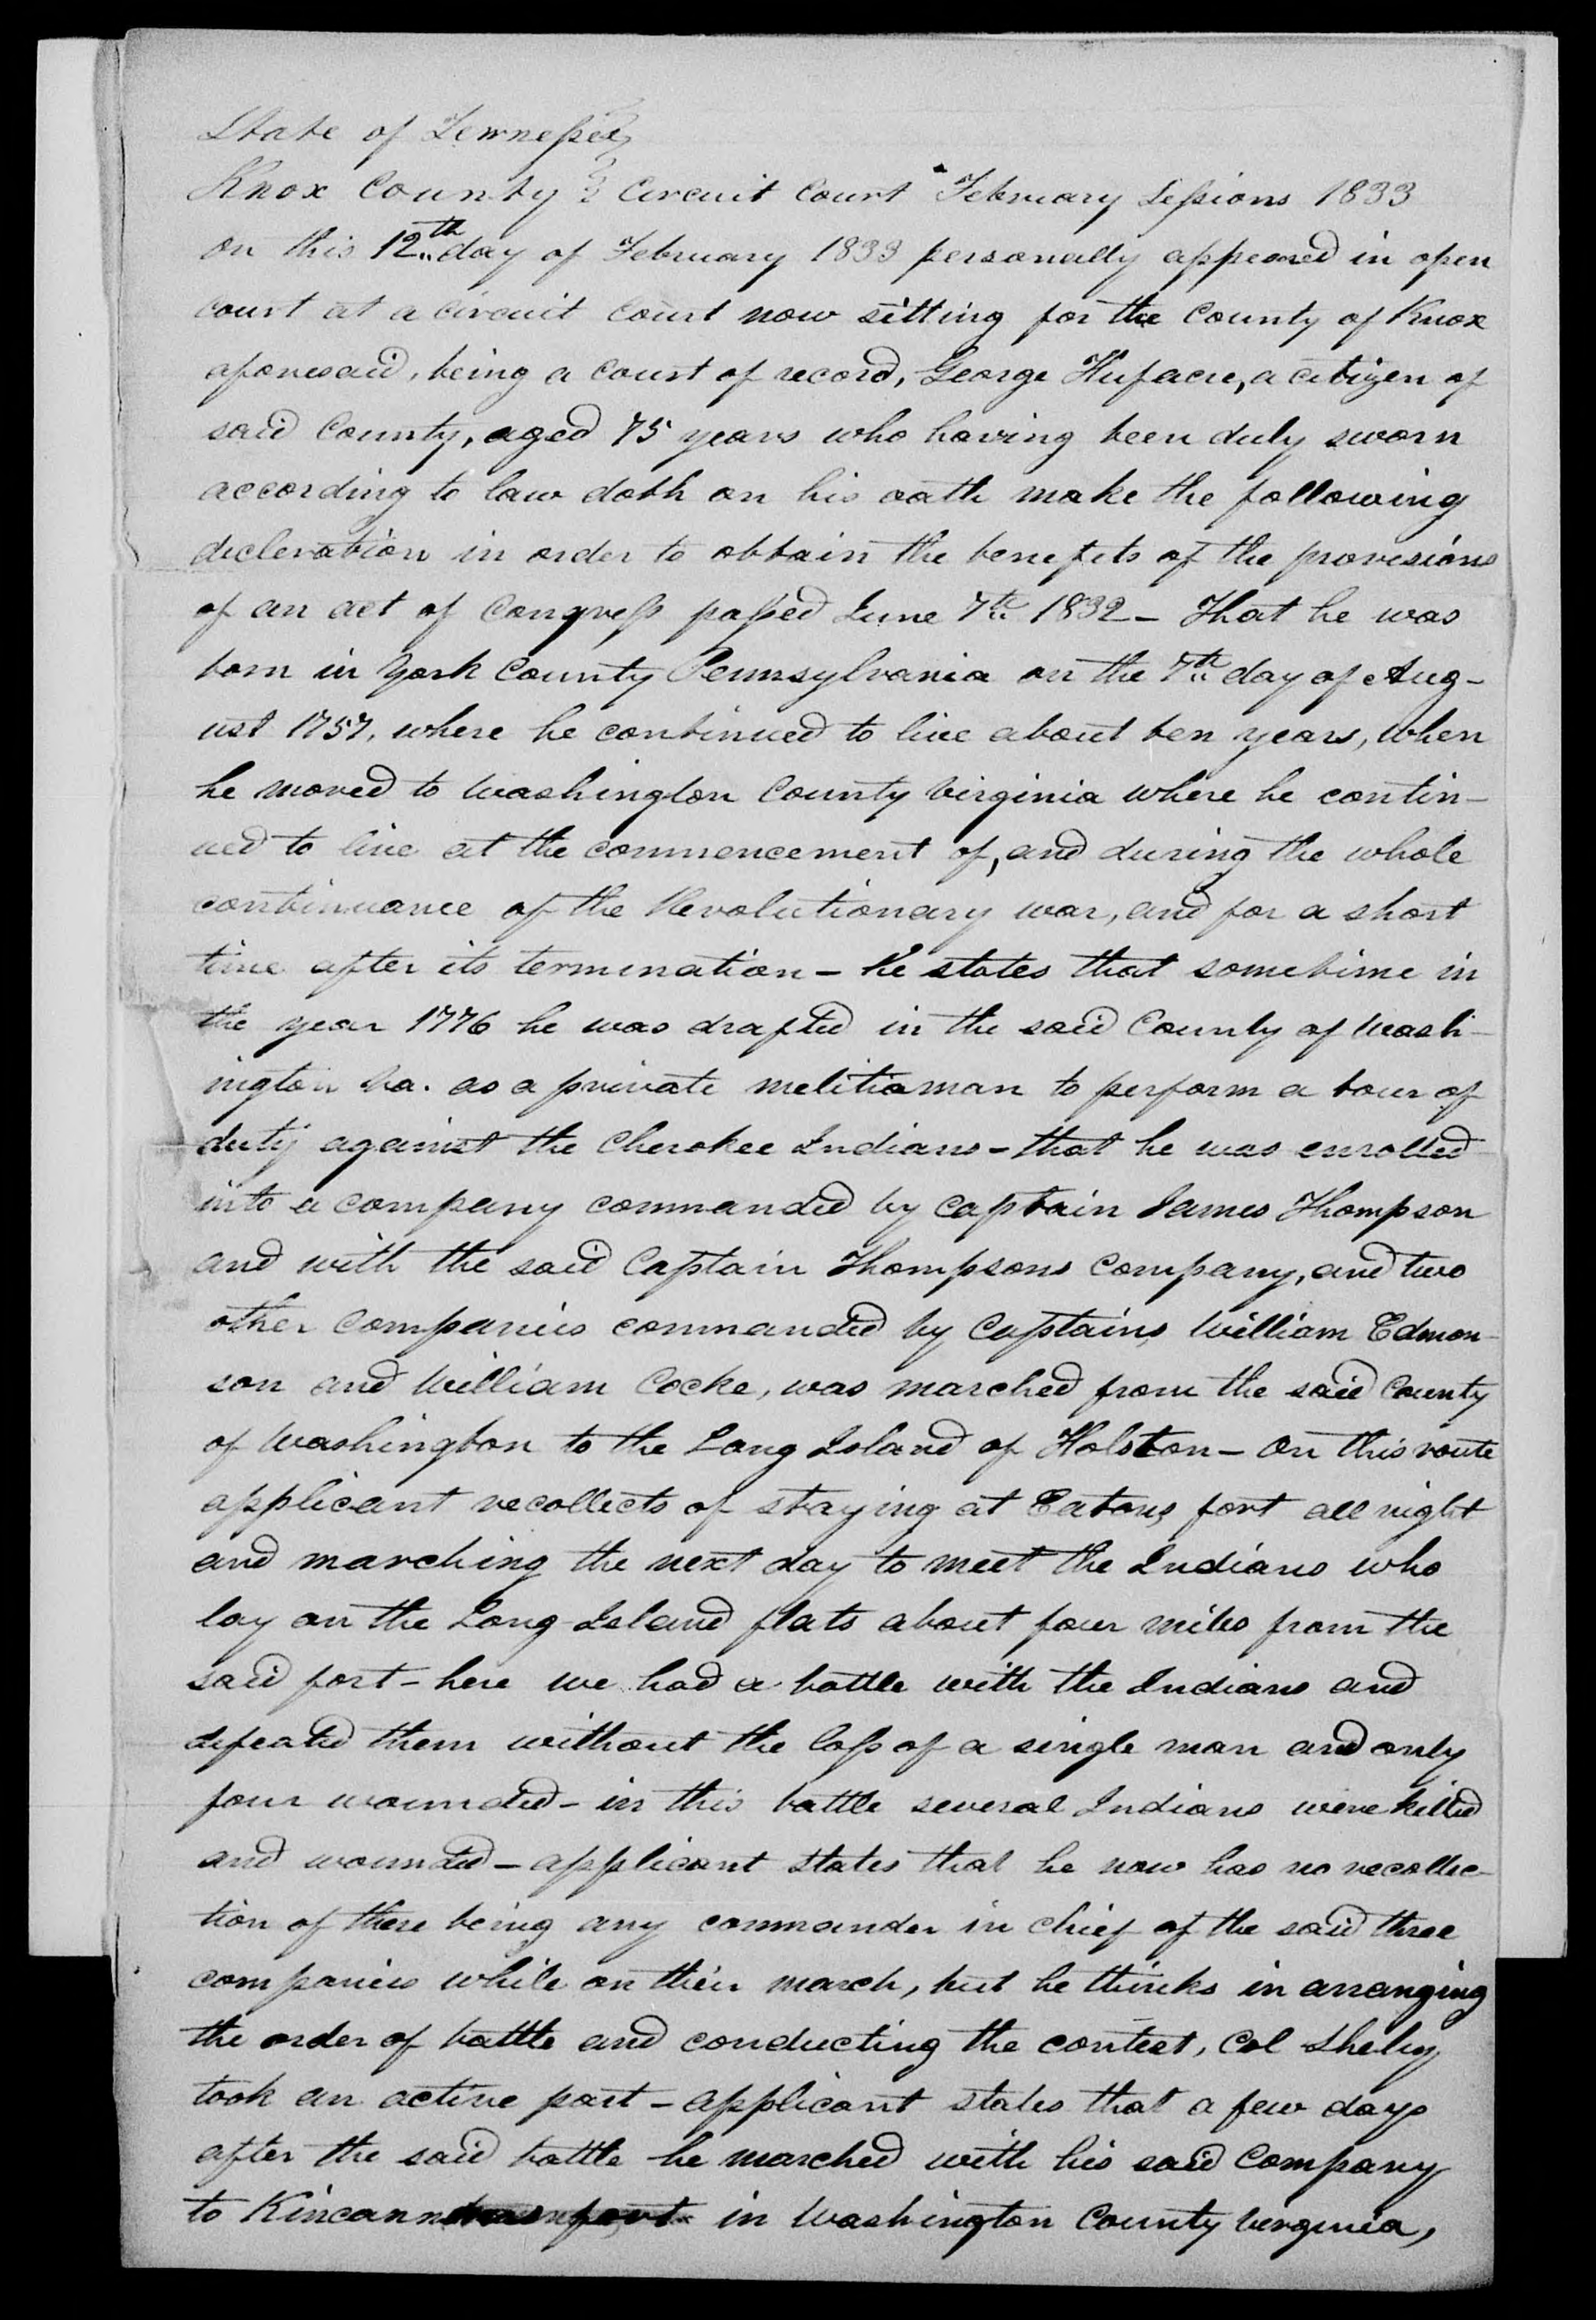State of Tennessee
Knox County
Circuit Court February Sessions 1833 on this 12th day of February 1833 personally  appeared in open court at a circuit court now sitting for the County of Knox aforesaid, being a court of record, George Hufacre, a citizen of said County, aged 75 years who having been duly sworn according to law doth on his oath make the following declaration in order to obtain the benefits of the provisions of an act of Congress passed June 7th 1832. That he was born in York County Pennsylvania on the 7th day of August 1757, where he continued to live about ten years, when he moved to Washington County Virginia where he continued to live at the commencement of, and during the whole continuance of the Revolutionary War, and for a short time after its termination — he states that sometime in the year 1776 he was drafted in the said County of Washington Va. as a private militiaman to perform a tour of duty against the Cherokee Indians — that he was enrolled into a company commanded by Captain James Thompson and with the said Captain Thompsons Company, and two other companies commanded by Captains William Edmondson and William Cocke, was marched from the said County of Washington to the Long Island of Holston — on this route applicant recollects of staying at Eatons fort all night and marching the next day to meet the Indians who lay on the Long Island flats about four miles from the said fort — here we had a battle with the Indians and defeated them without the loss of a single man and only four wounded — in this battle several Indians were killed and wounded — applicant states that he now has no recollection of there being any commander in chief of the said three companies while on their march, but he thinks in arranging the order of battle and conducting the contest, Col Shelby took an active part — applicant states that a few days after the said battle he marched with his said Company to Kincann [illegible probably Kincannon's] fort in Washington County Virginia,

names: William Cocke, George Hufacre, William Edmonson, James Thompson, Sheley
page: 3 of 19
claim: survivor's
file: S. 1826, George Hufacre, Va.